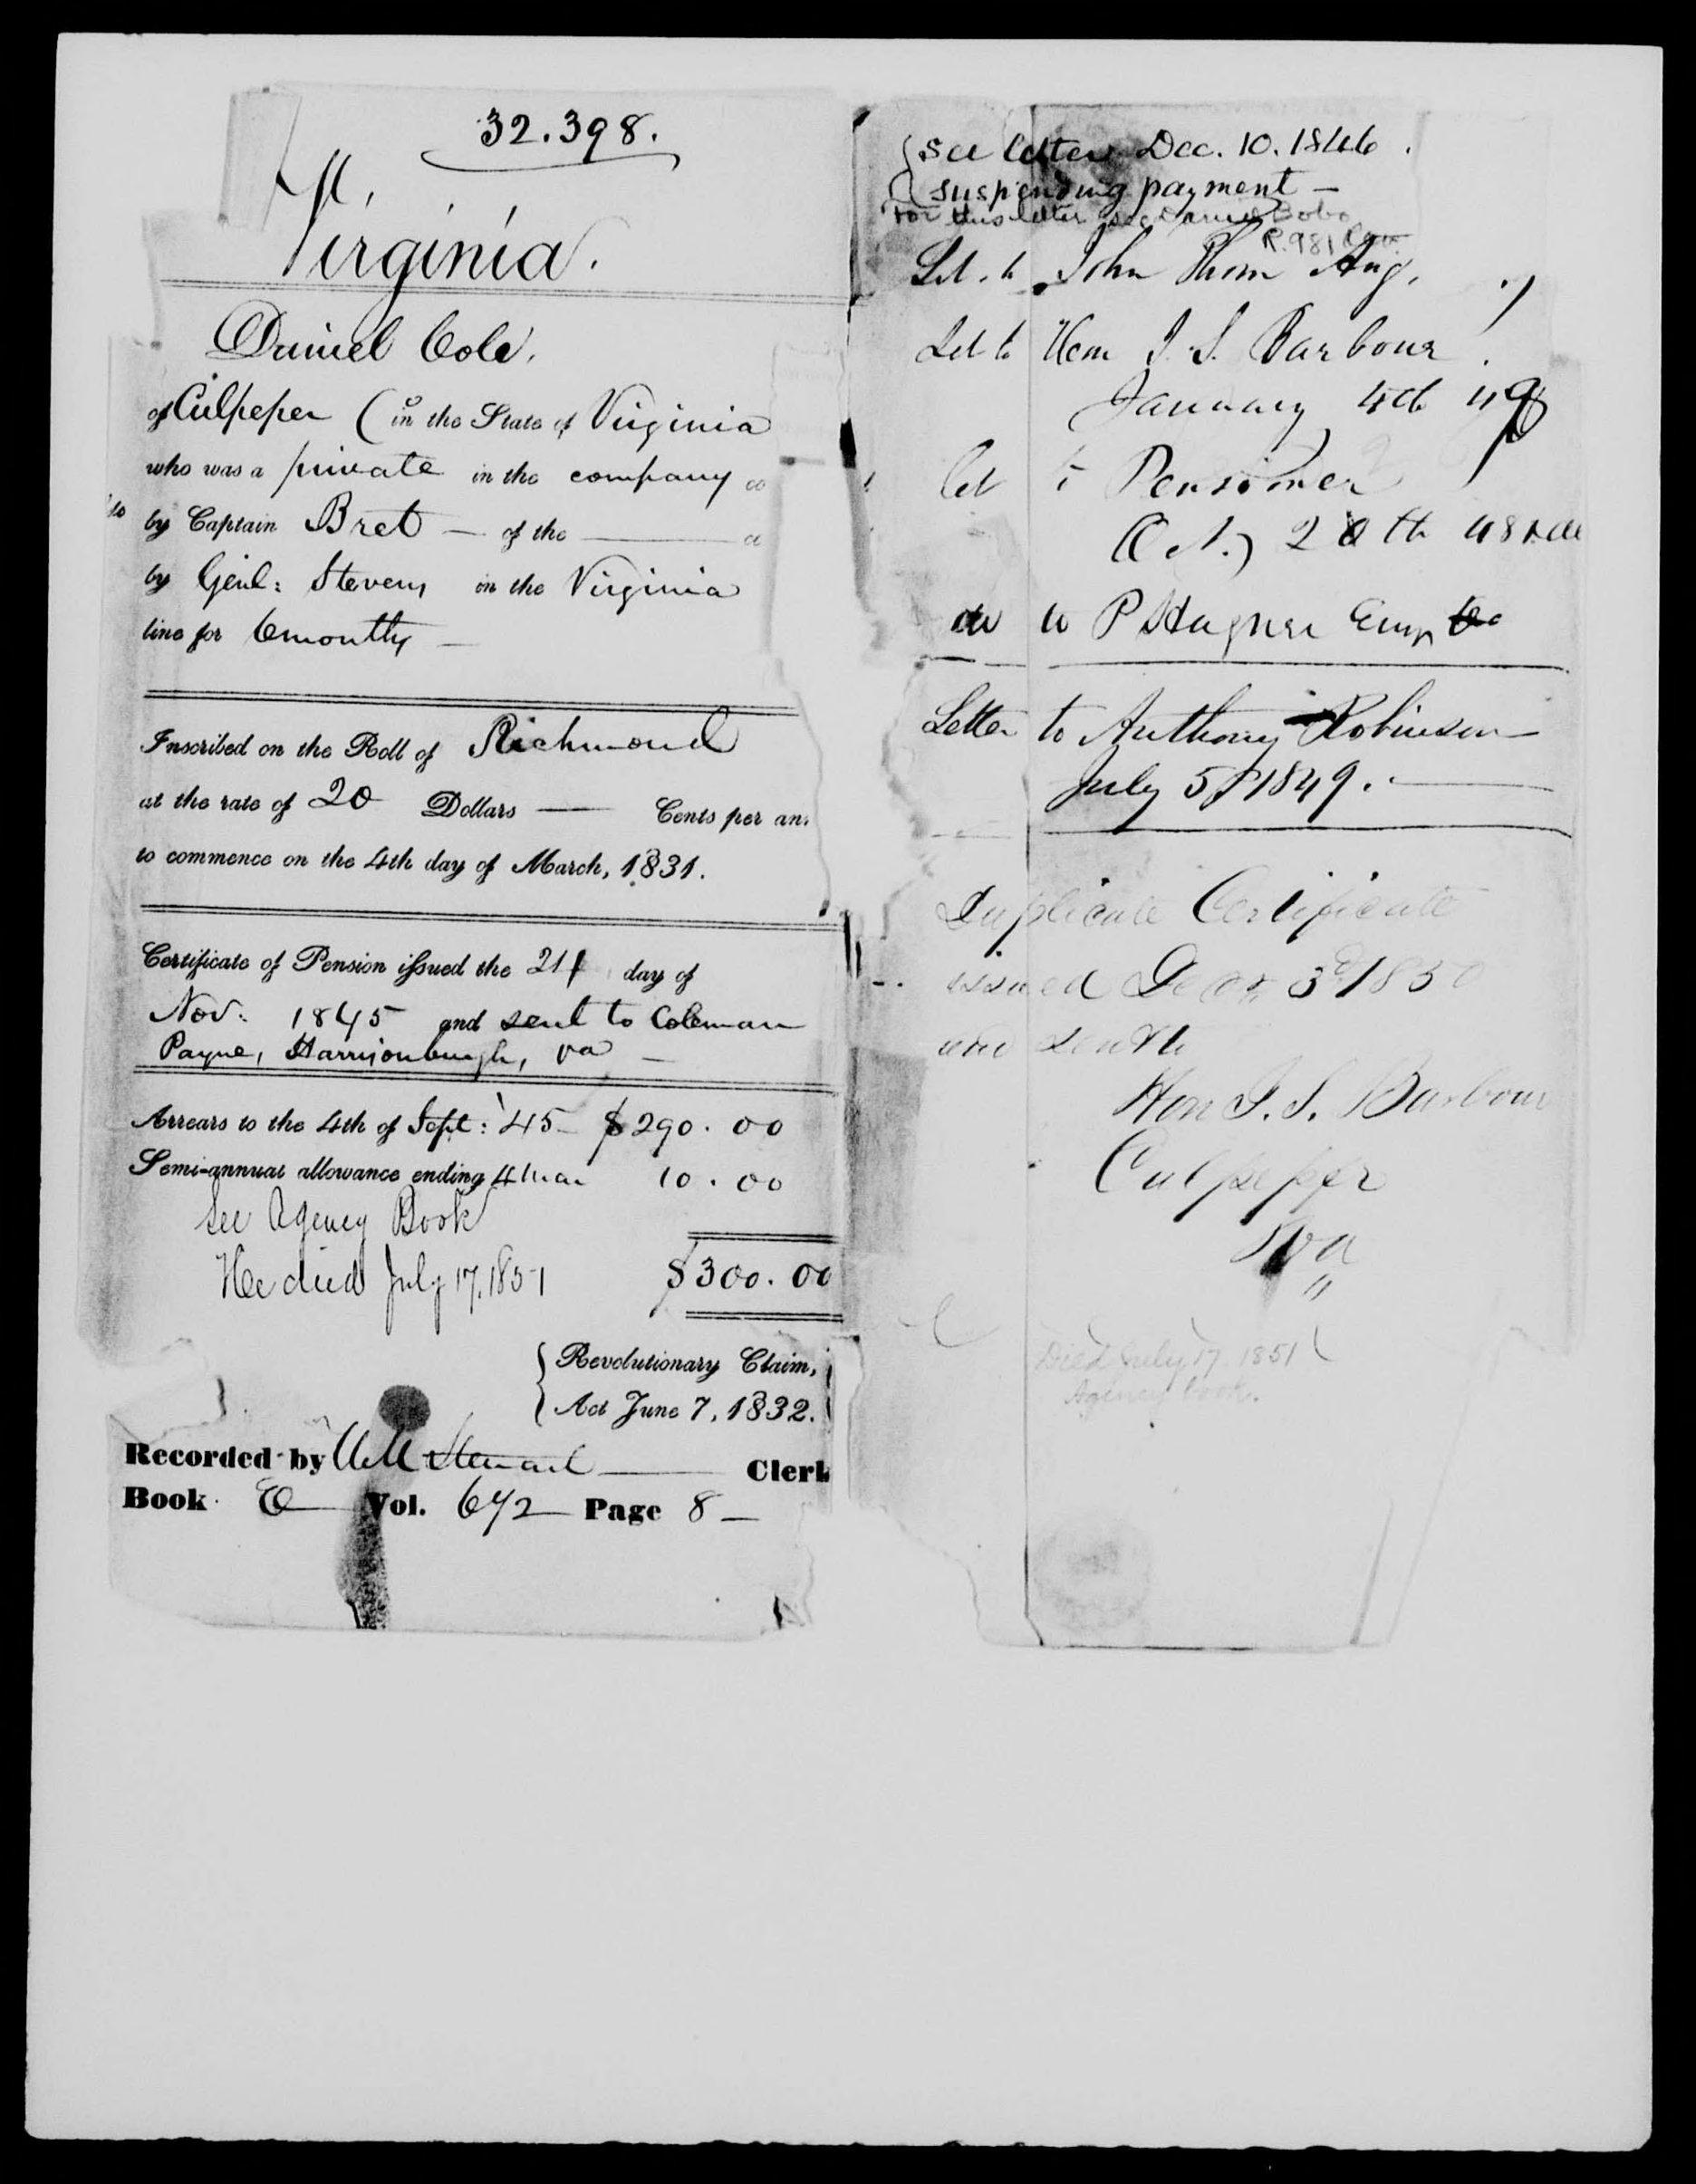32.398
Virginia
Daniel Cole
of Culpeper C in the State of Virginia who was a private in the company 
by Captain Bret -- of the --- 
by Genl [General] Stevens on the Virginia 
line for 6 months
lnscribed on the Roll of Richmond
at the rate of 20 Dollars -- Cents per an [annum] to commence on the 4th day of March 1831
Certificate of Pension ifsued [issued] the 21st day of Nov 1845 and sent to Coleman
Payne, Harrisonburgh, Va -
Arrears to the 4th of Sept 45 $290.00
Semi-annual allowances ending 4 Mar 10.00
See Agency Book
He died July 17, 1851 $300.00
Revolutionary Claim
Act June 7, 1832
Recorded by [illegible] Stewart --- Clerk
Book [illegible] Vol 672 Page 8 -
See letter Dec 10, 1846
suspending payment-
For this letter see David Bobo
R981 Rev.
Let [Letter] of John Thom Aug
Let [Letter]  to Hon. J. S. Barbour
January 4th 48
Let [Letter] to Pensioner
Octr [October] 20th 48 [illegible]
to P Hagner Esq
Letter to Anthony Robinson
July 5, 1849
Duplicate Certificate 
issued [illegible - Dec?] 3, 1830
and death
Hon. J. S. Barbour
Culpeper
Va
Died July 17, 1851
 Agency book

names: J S Barbour, Bret, Daniel Cole, Anthony Robinson, H M Stewart, P Hagner, John Thom, Coleman Payne, Stevens, J S Barbour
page: 2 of 61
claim: survivor's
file: S. 8236, Daniel Cole, Va.